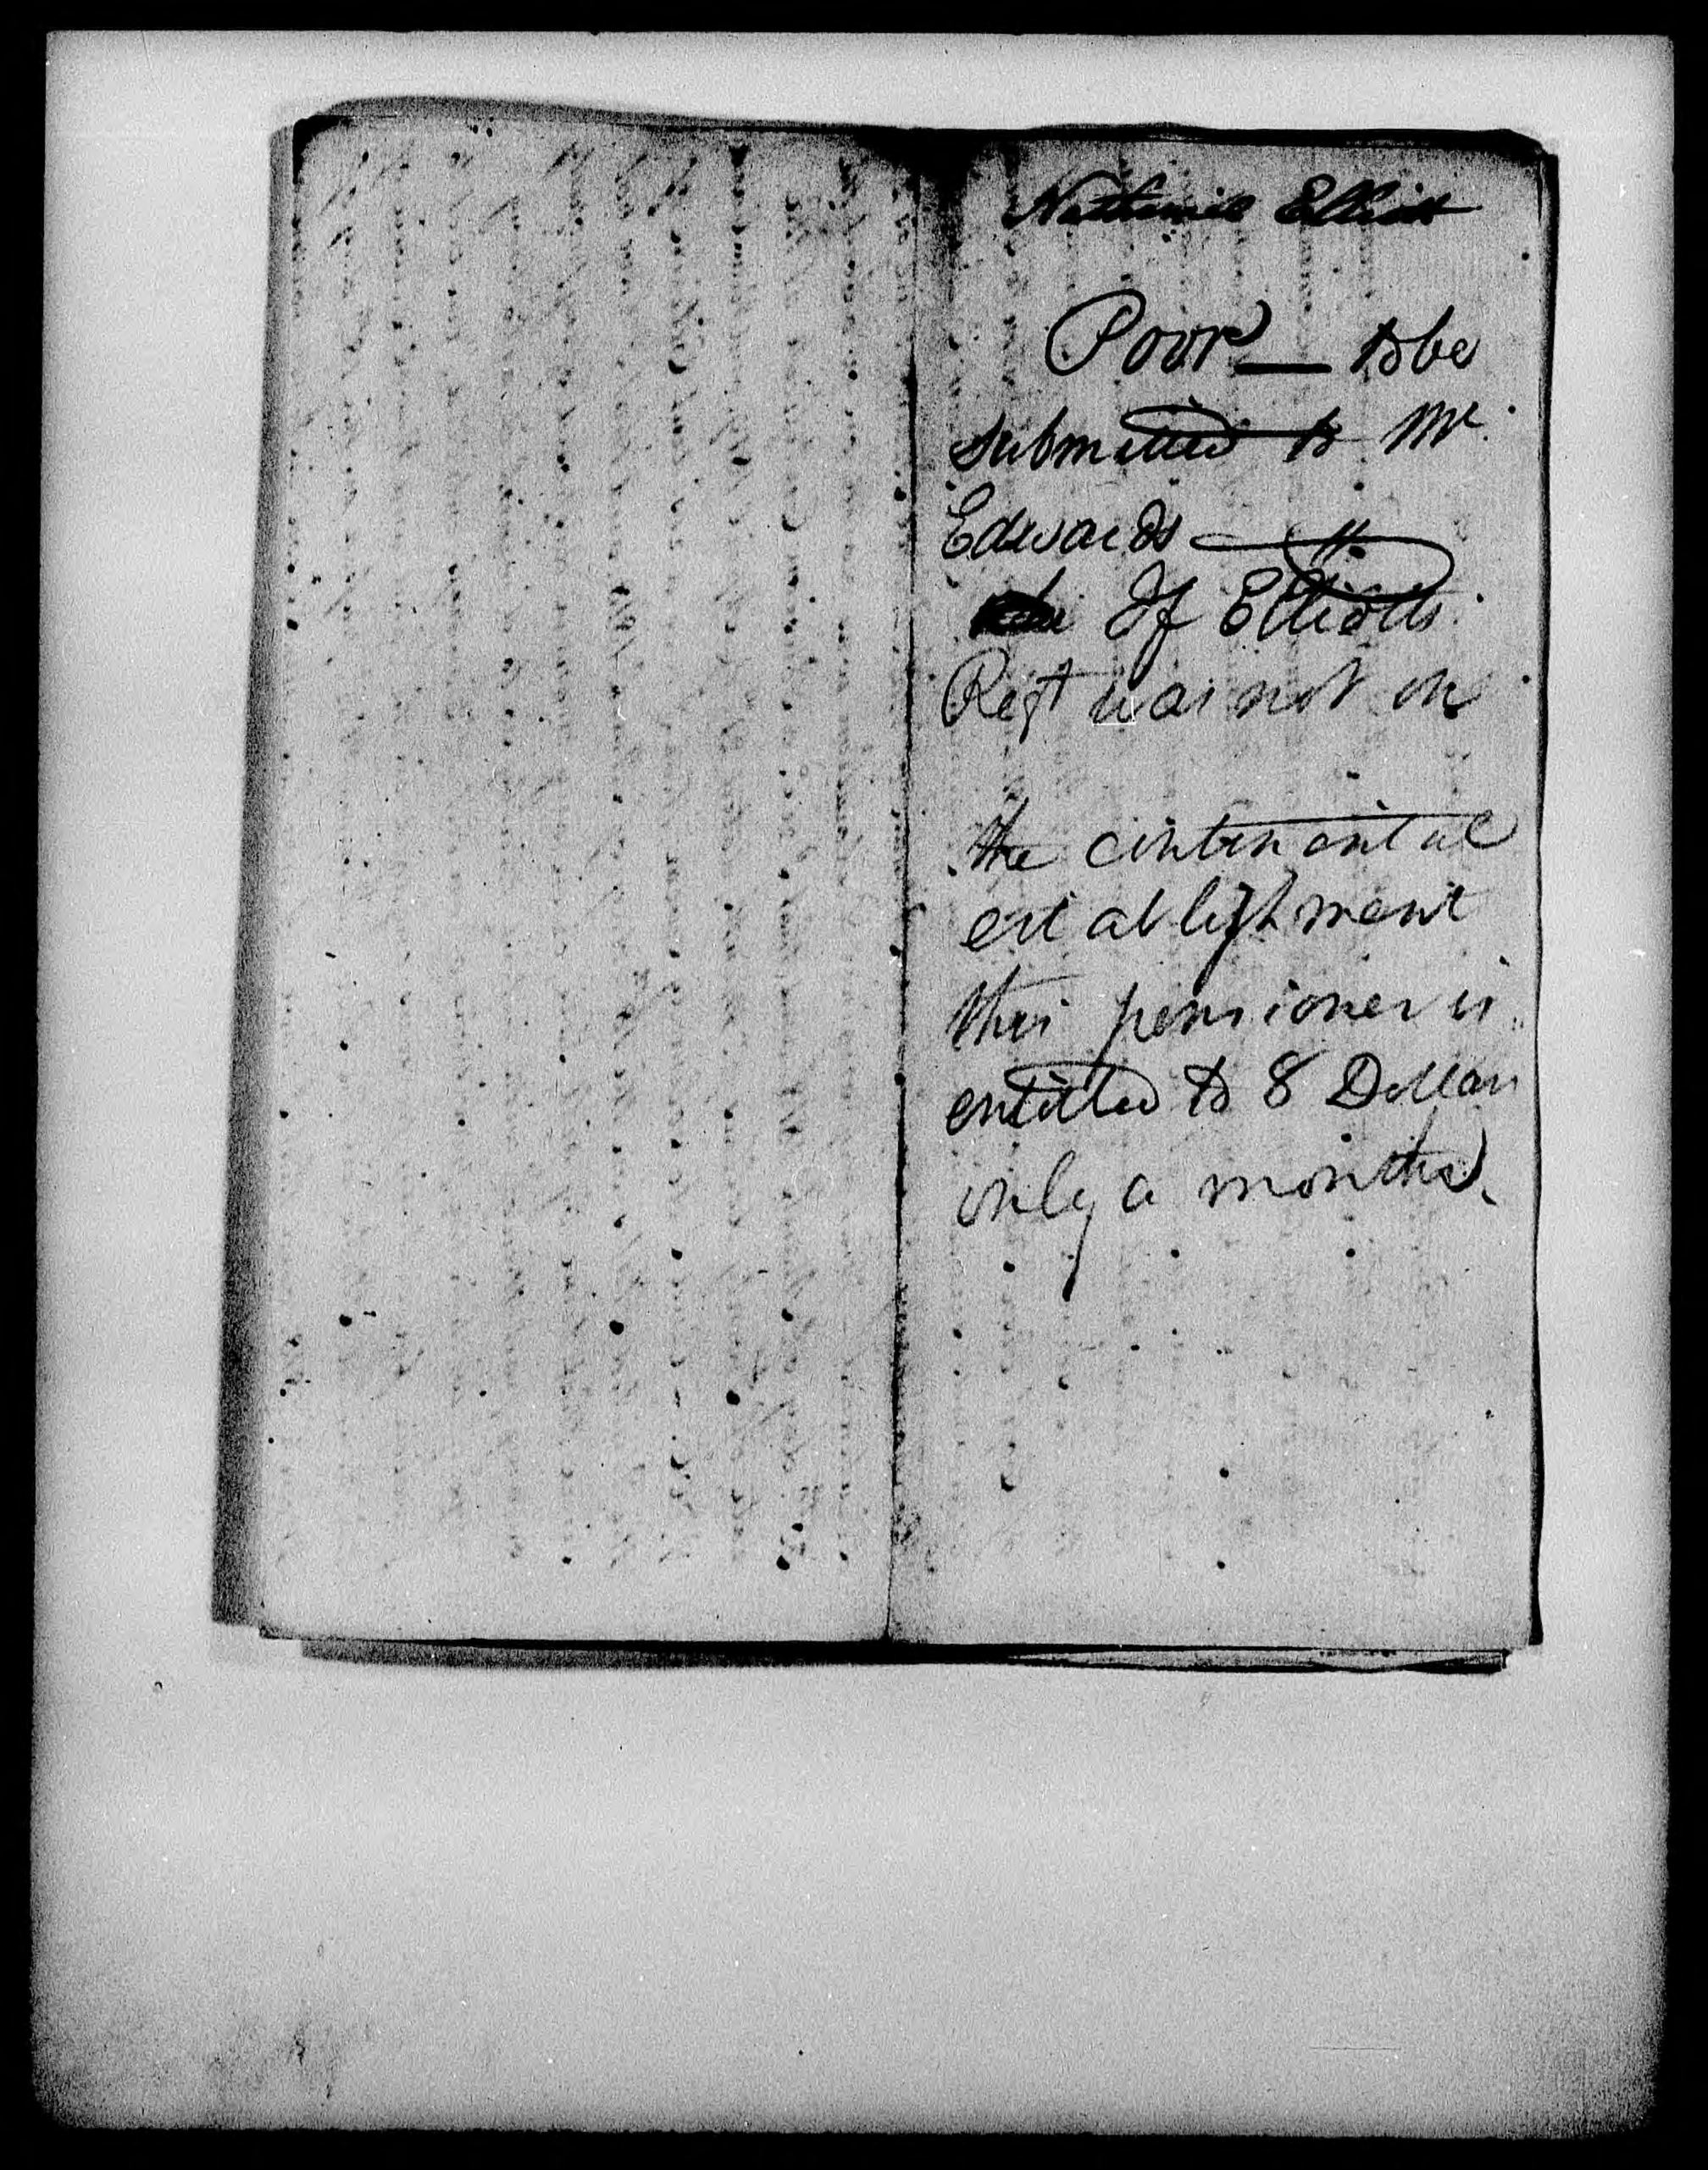Nathaniel Elliott
Poor – to be
submitted to Mr.
Edwards
of Elliott’s 
Regt was not on
the continental
establishment
this pensioner is
entitled to 8 Dollars
only a months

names: Edwards, Nathaniel Elliott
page: 5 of 29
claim: survivor's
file: S. 38679, Nathaniel Elliot, Continental R.I.